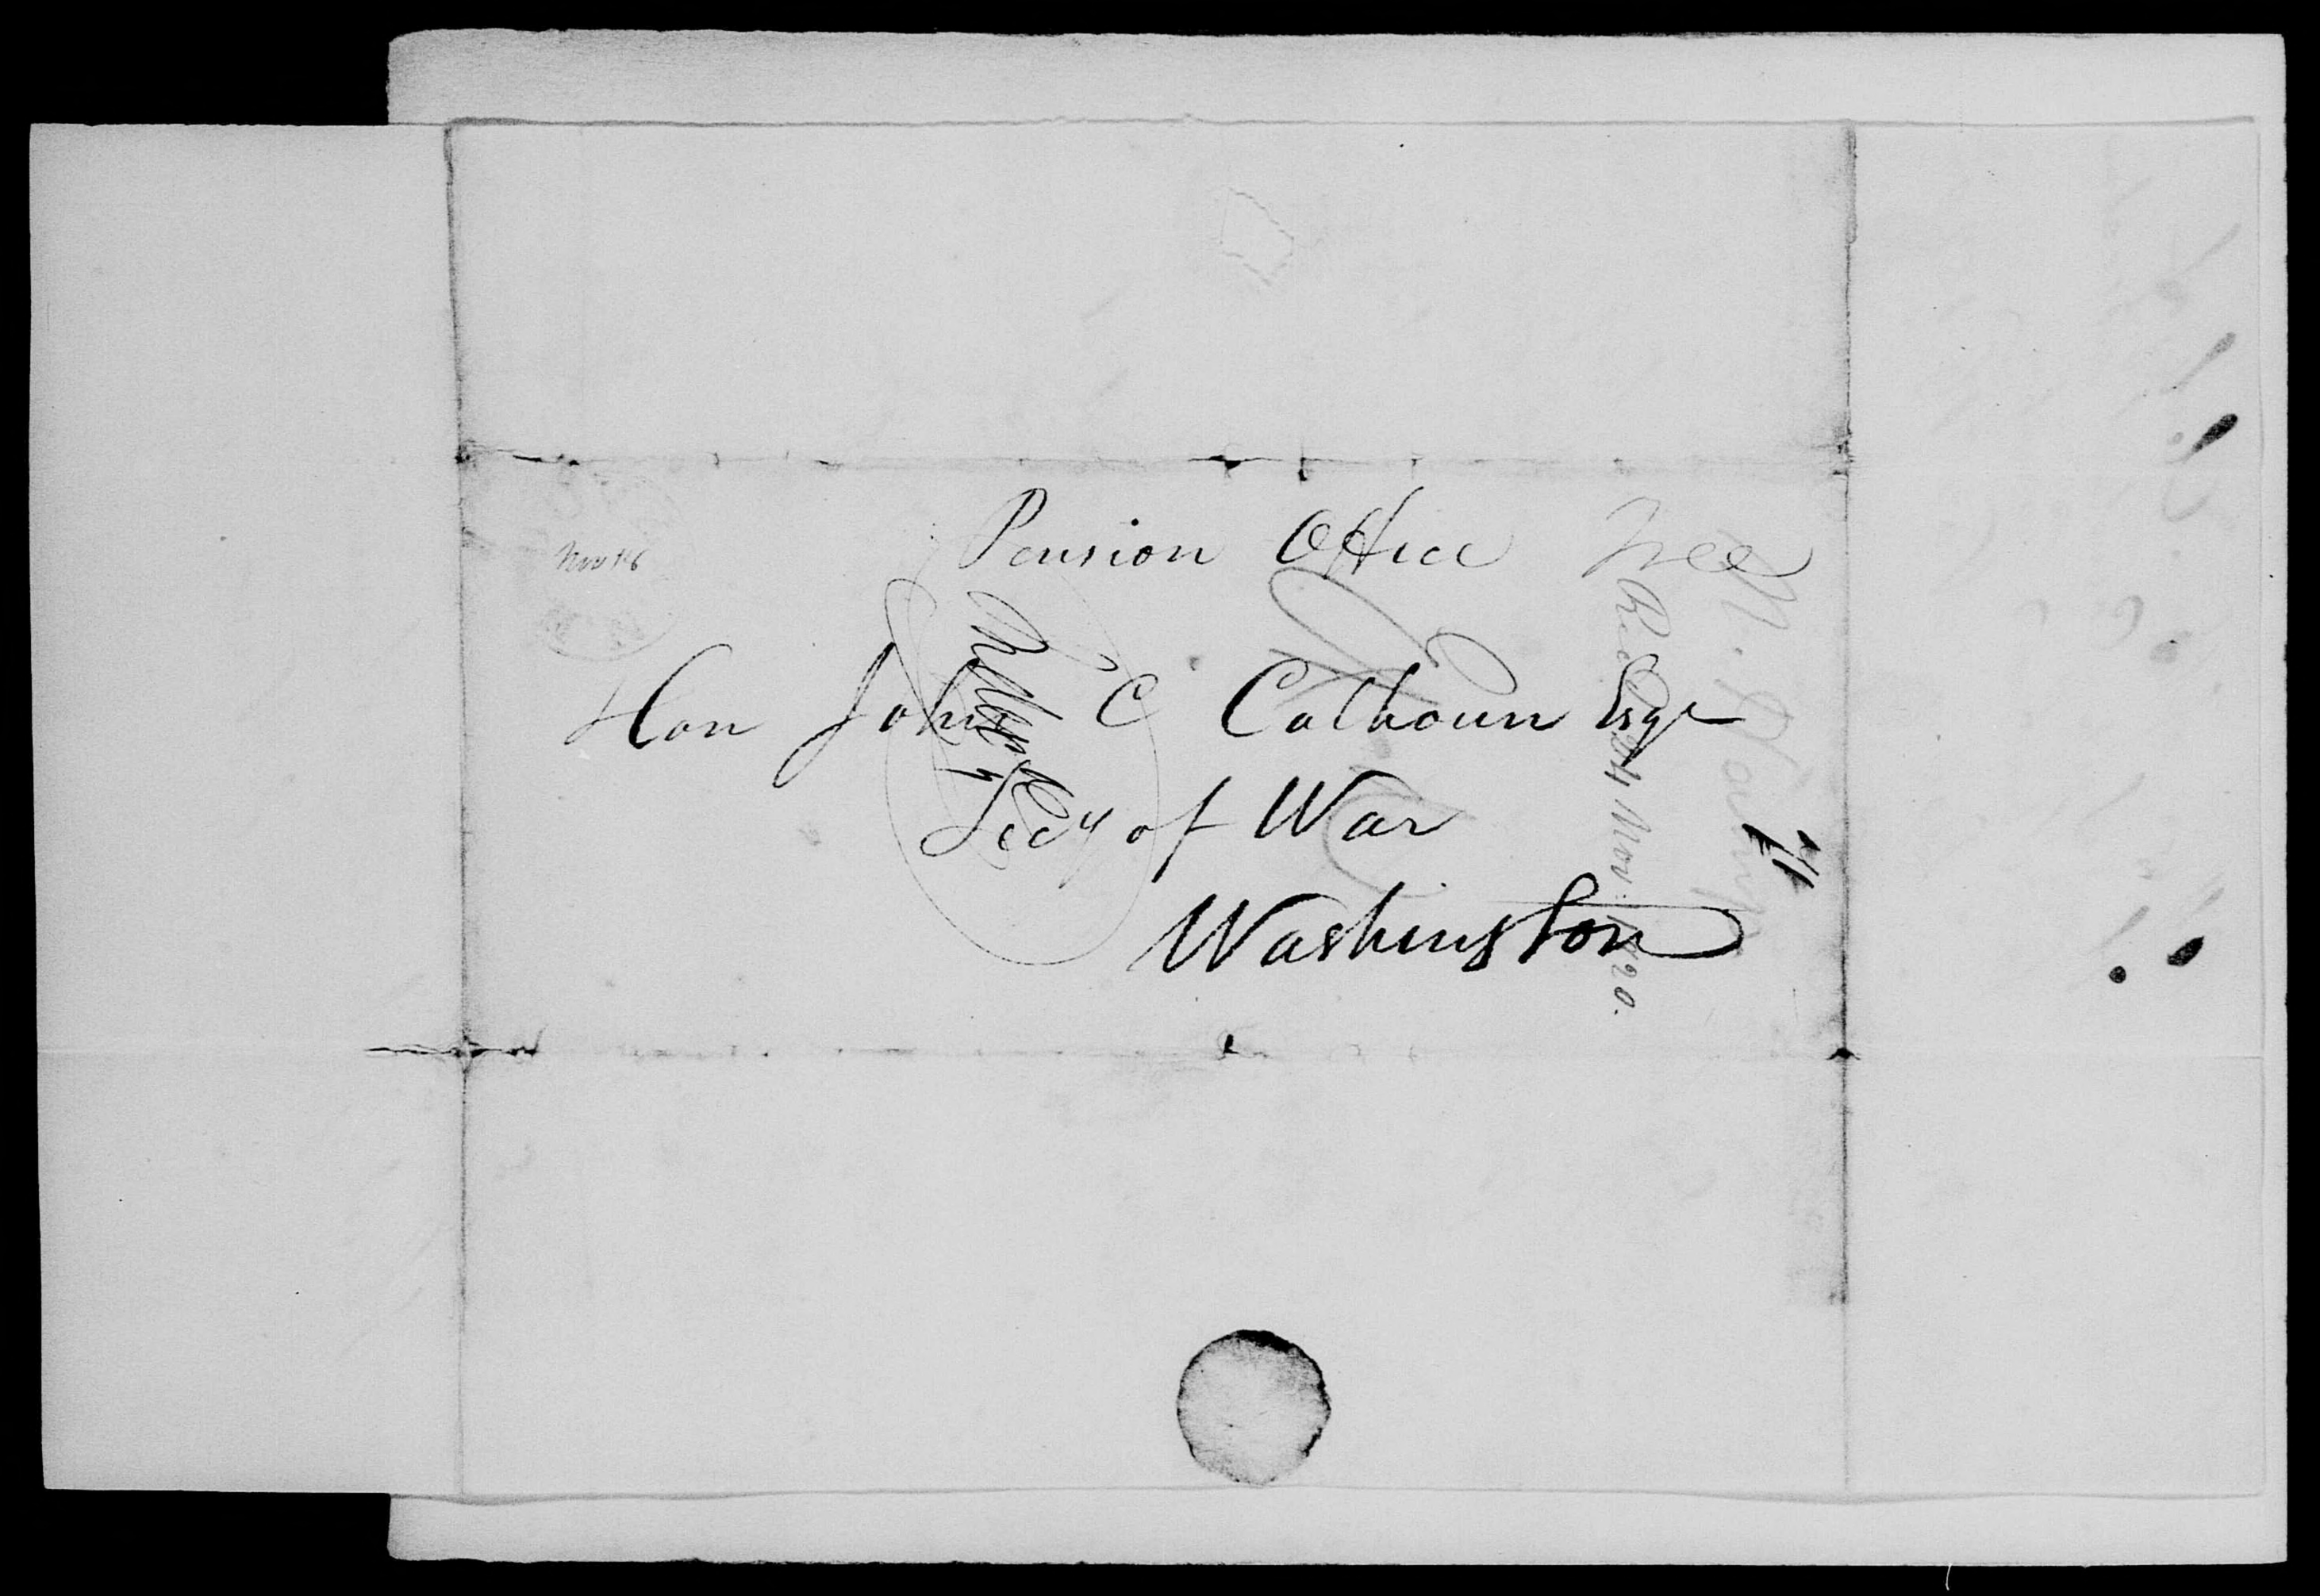Pension Office Hon John C. Calhoun Esq. Sec'y of War Washington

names: John C Calhoun, M Hamp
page: 28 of 35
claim: widow's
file: W. 16127, Israel Huckins, N.H.